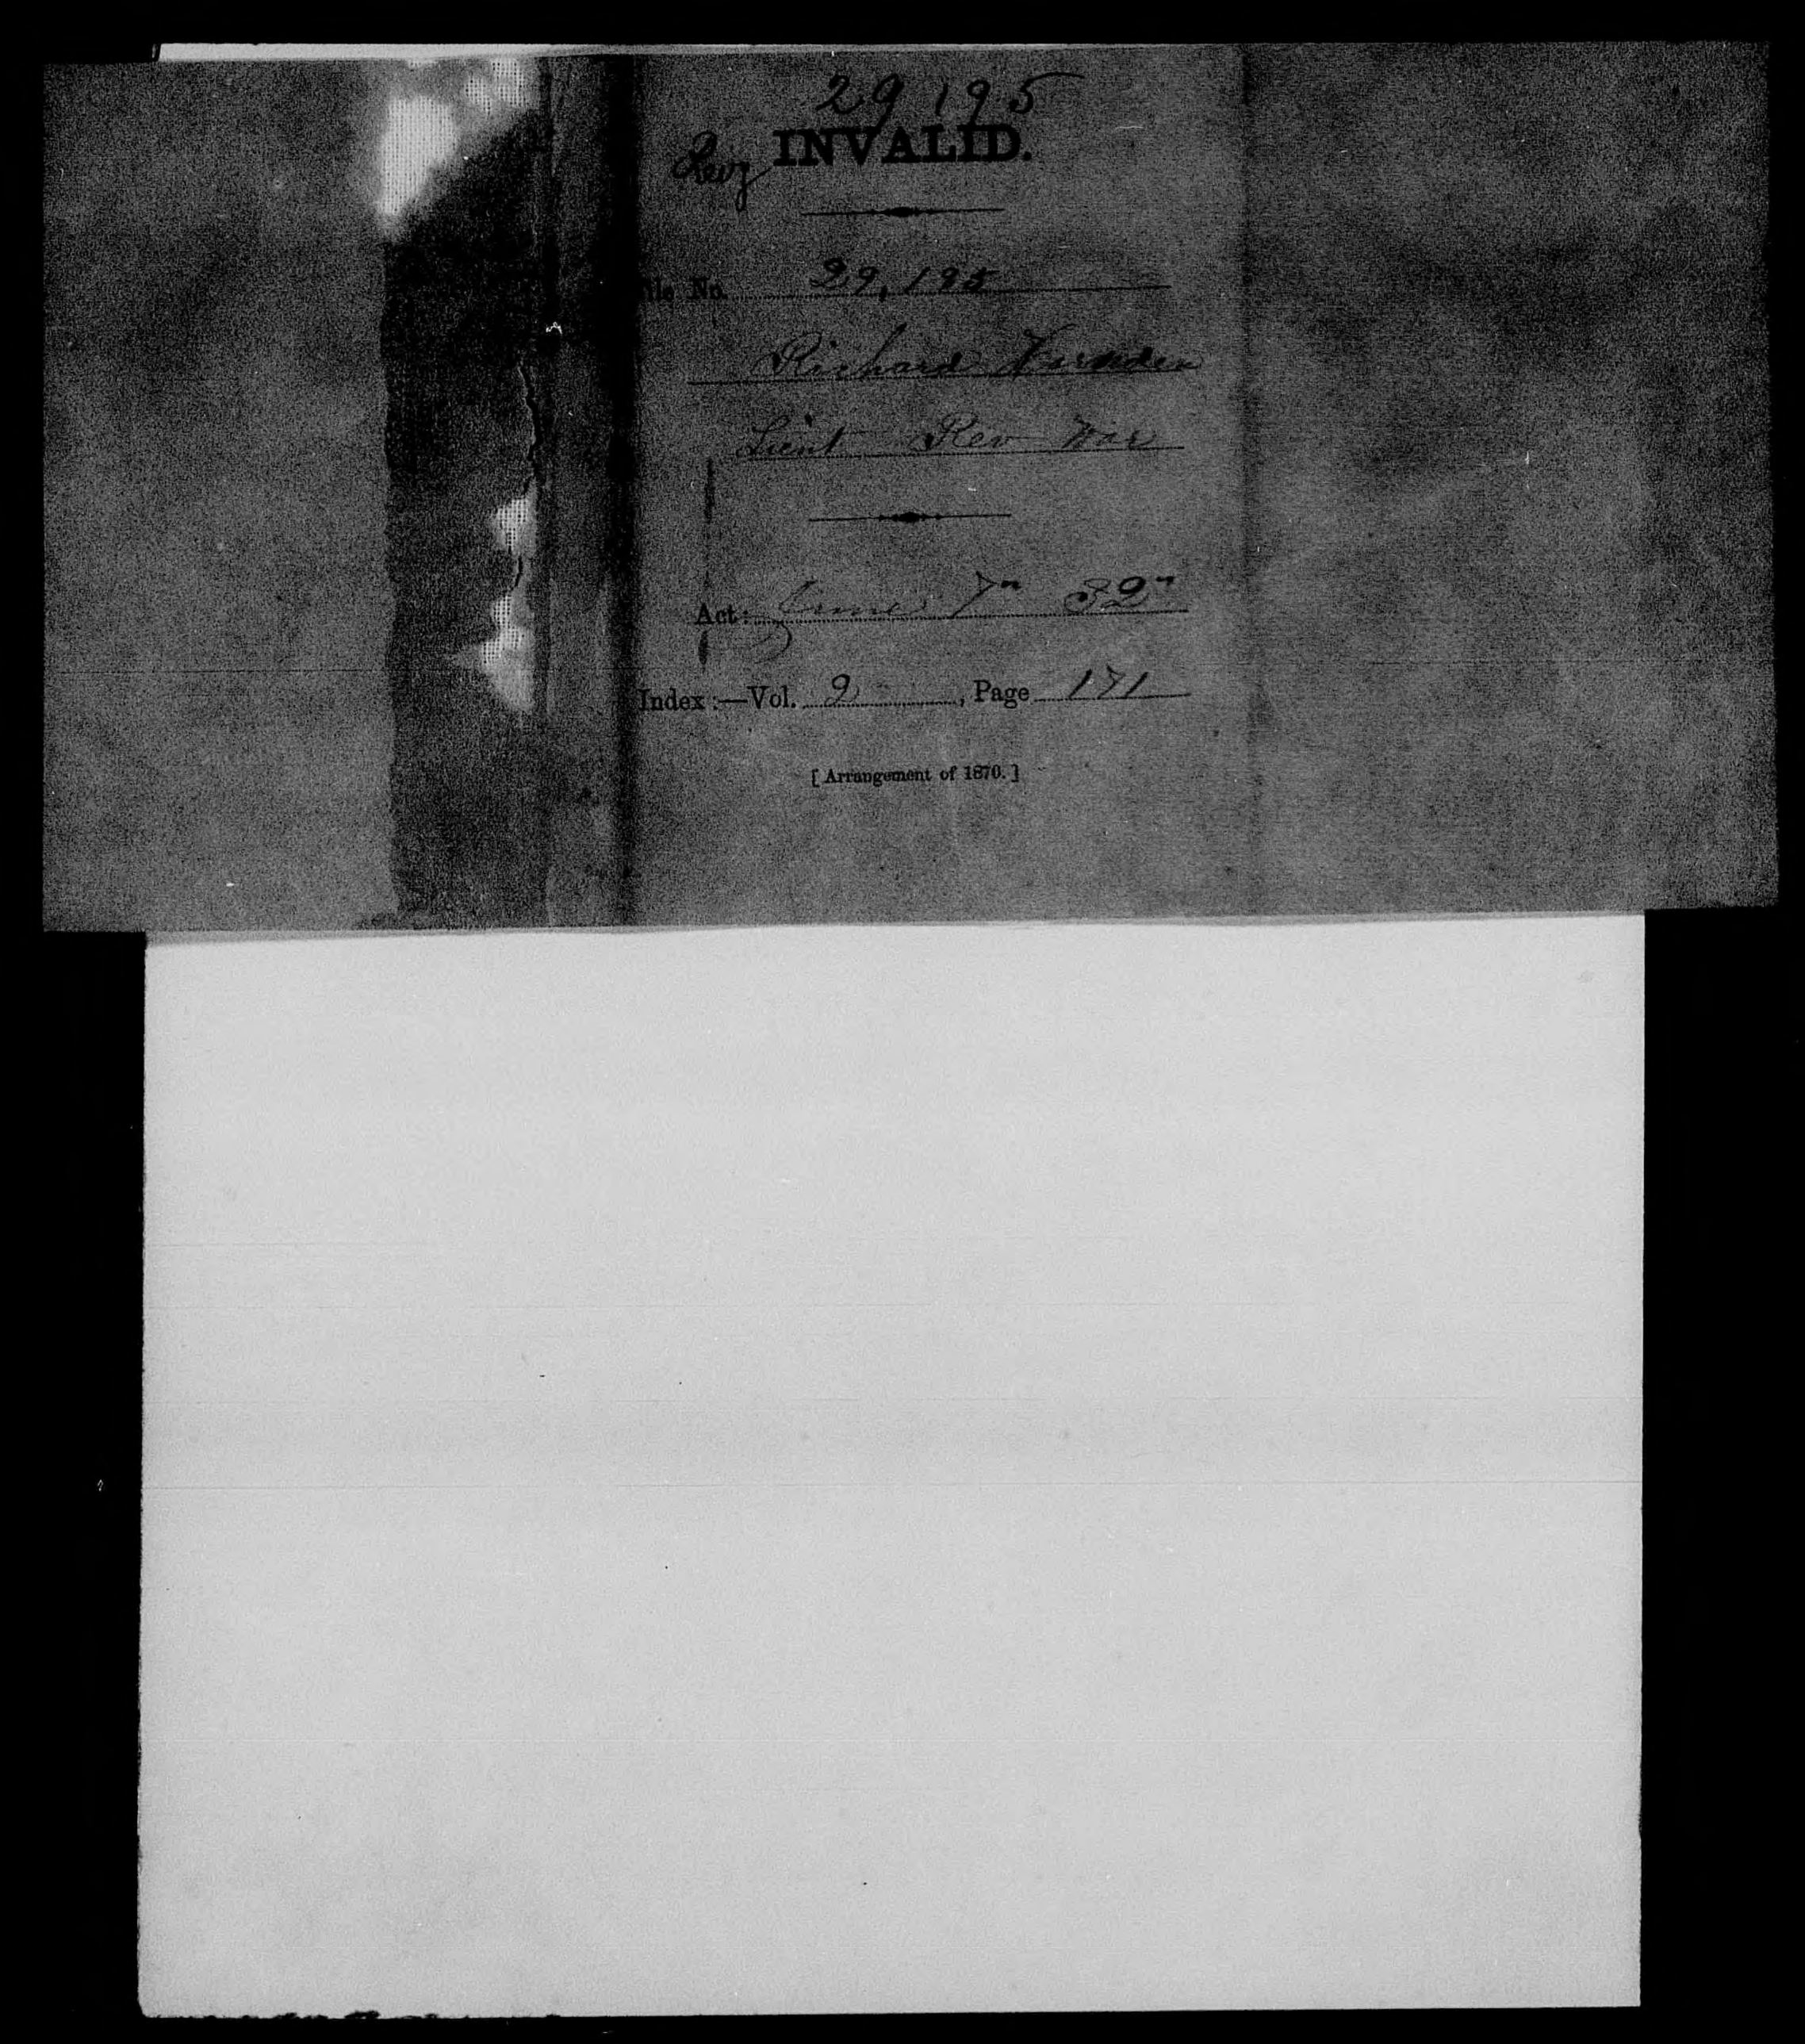iNVALID
[illegible] 29, 1[illegible]
Richard Harnden
Lieut. Rev War
Act August 7, 32
Index-Vol. 2, Page 171

{Arrangement of 1870}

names: Richard Harnden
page: 9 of 10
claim: survivor's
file: S. 29,195, Richard Harnden, Mass.